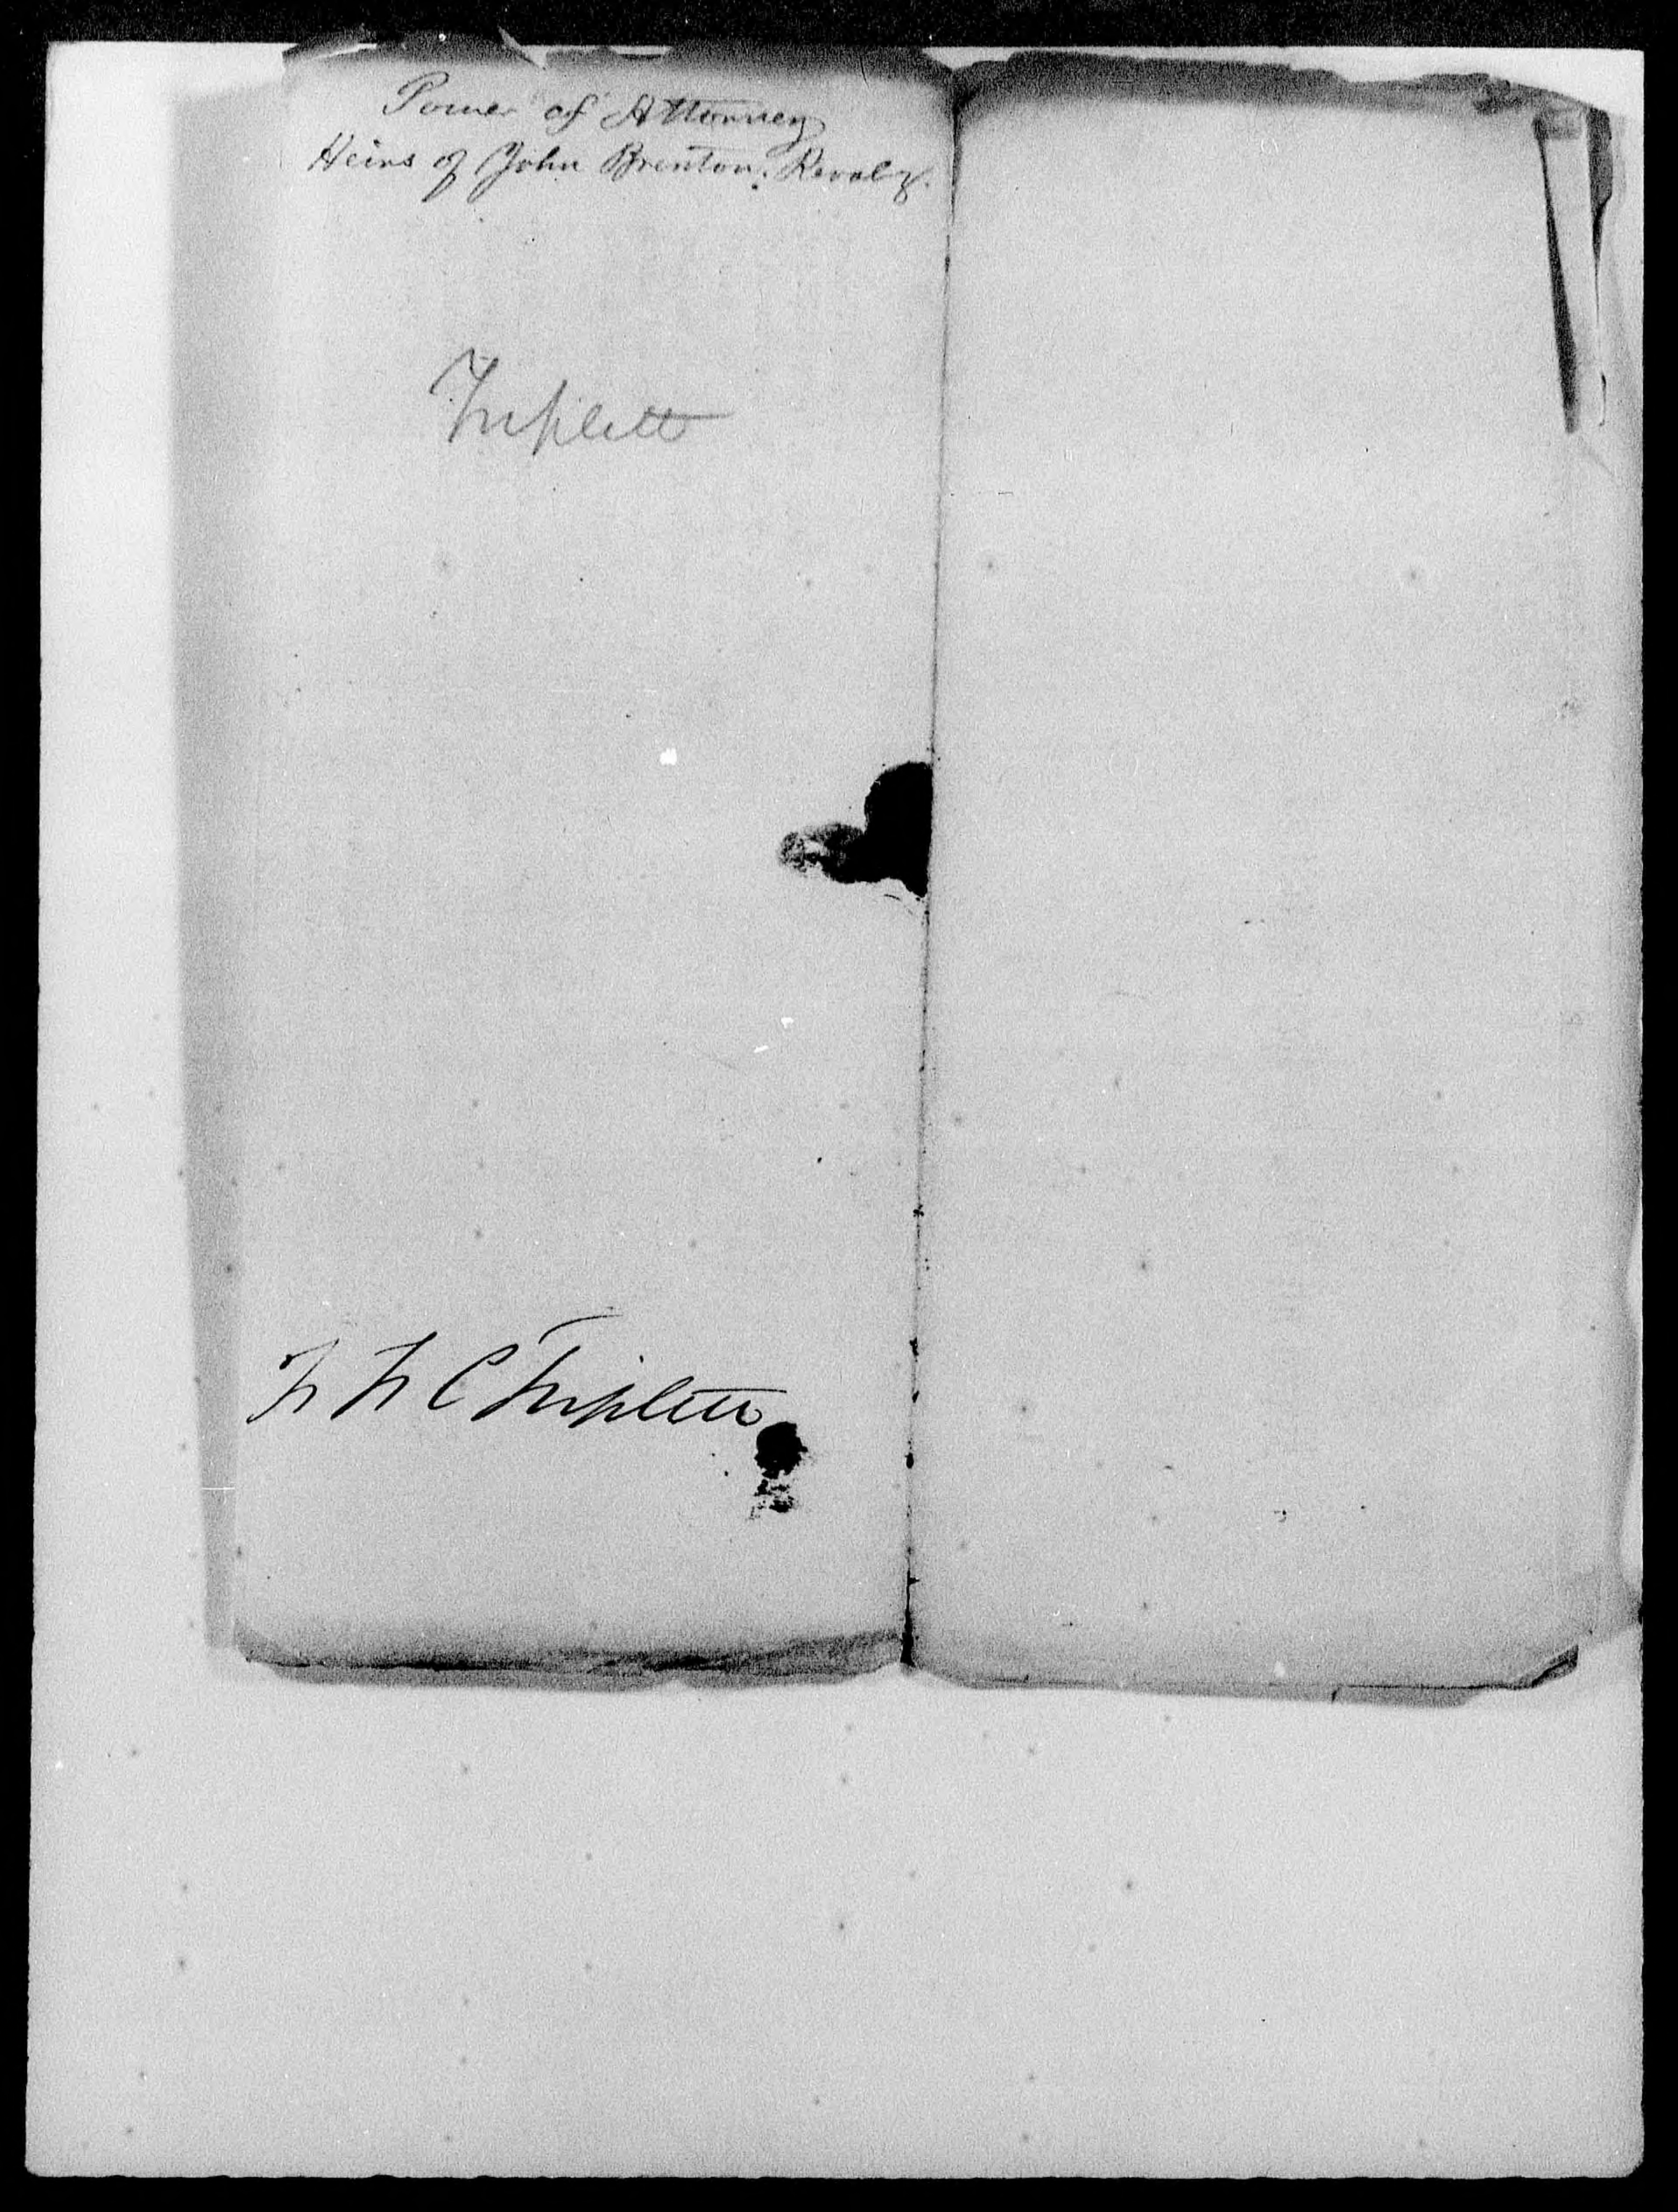Power of Attorney
Heins of John Brenton, Revolutionary
Triplett
F F C Triplett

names: John Brenton, F F C Triplett, Triplett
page: 9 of 26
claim: survivor's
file: S. 16059, John Brenton, Penn. Va.